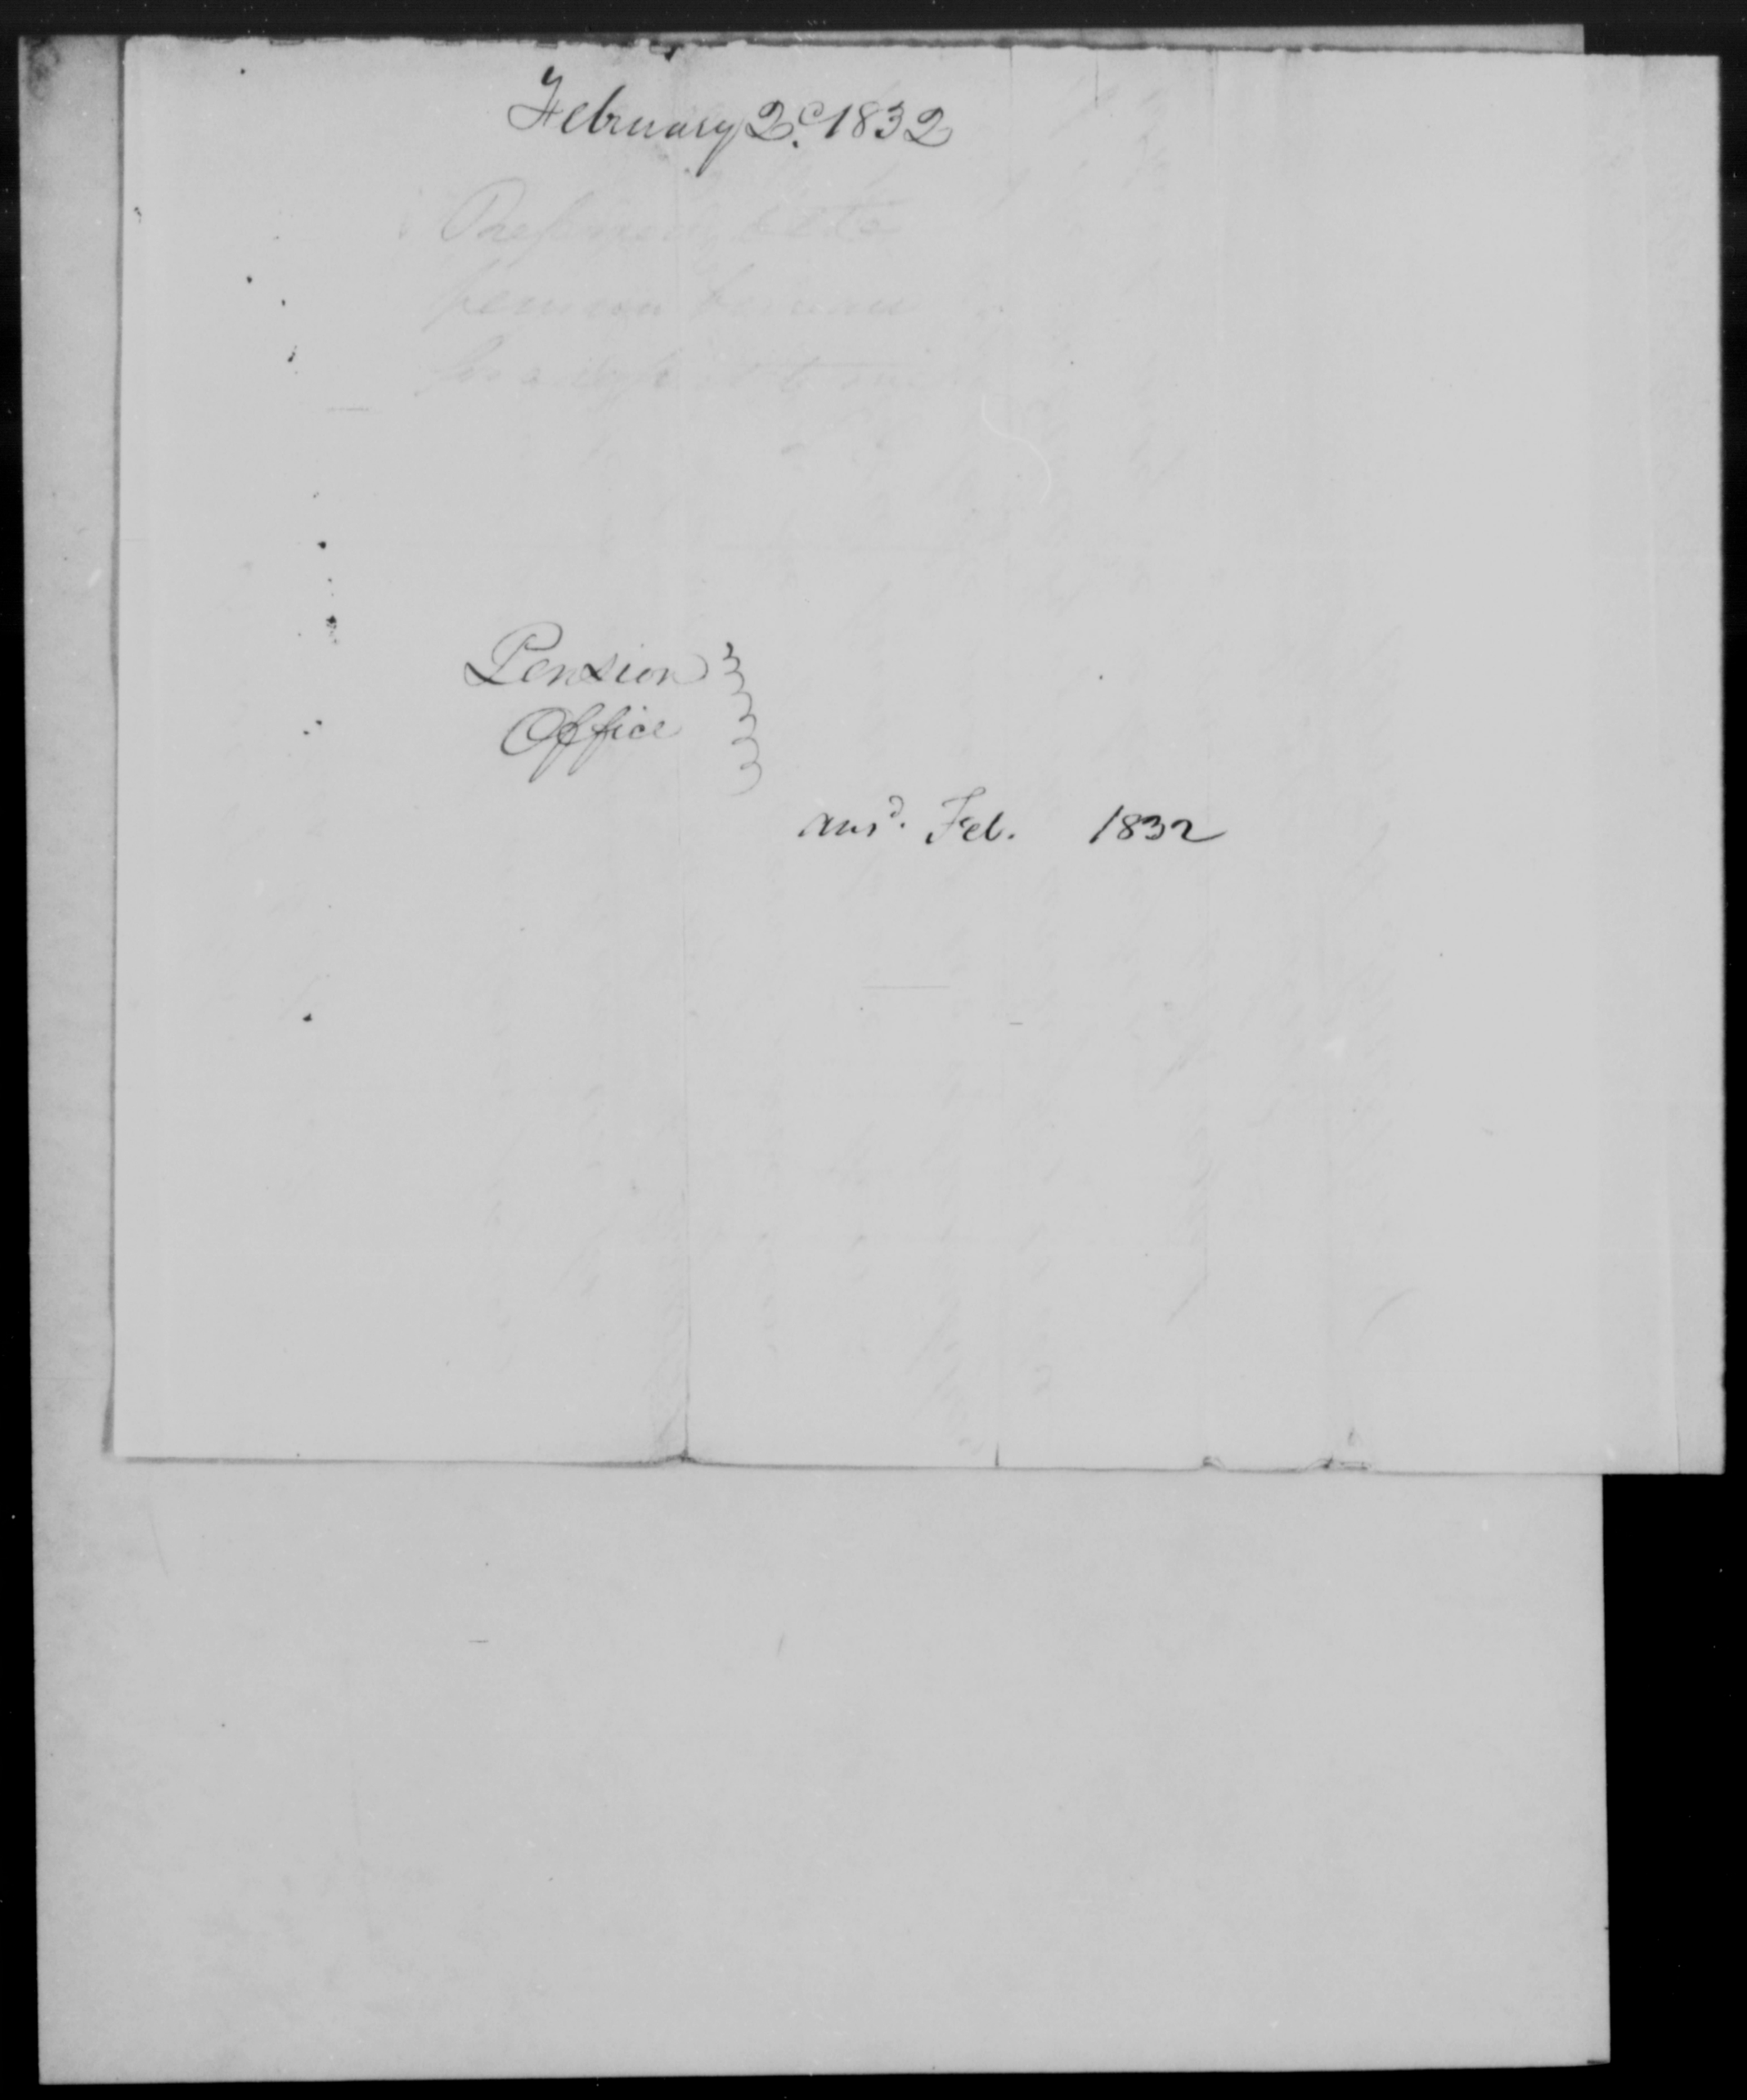February 2, 1832


Pension Office

ansd Feb. 1832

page: 74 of 77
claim: widow's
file: W. 19658, John Woodin, New York